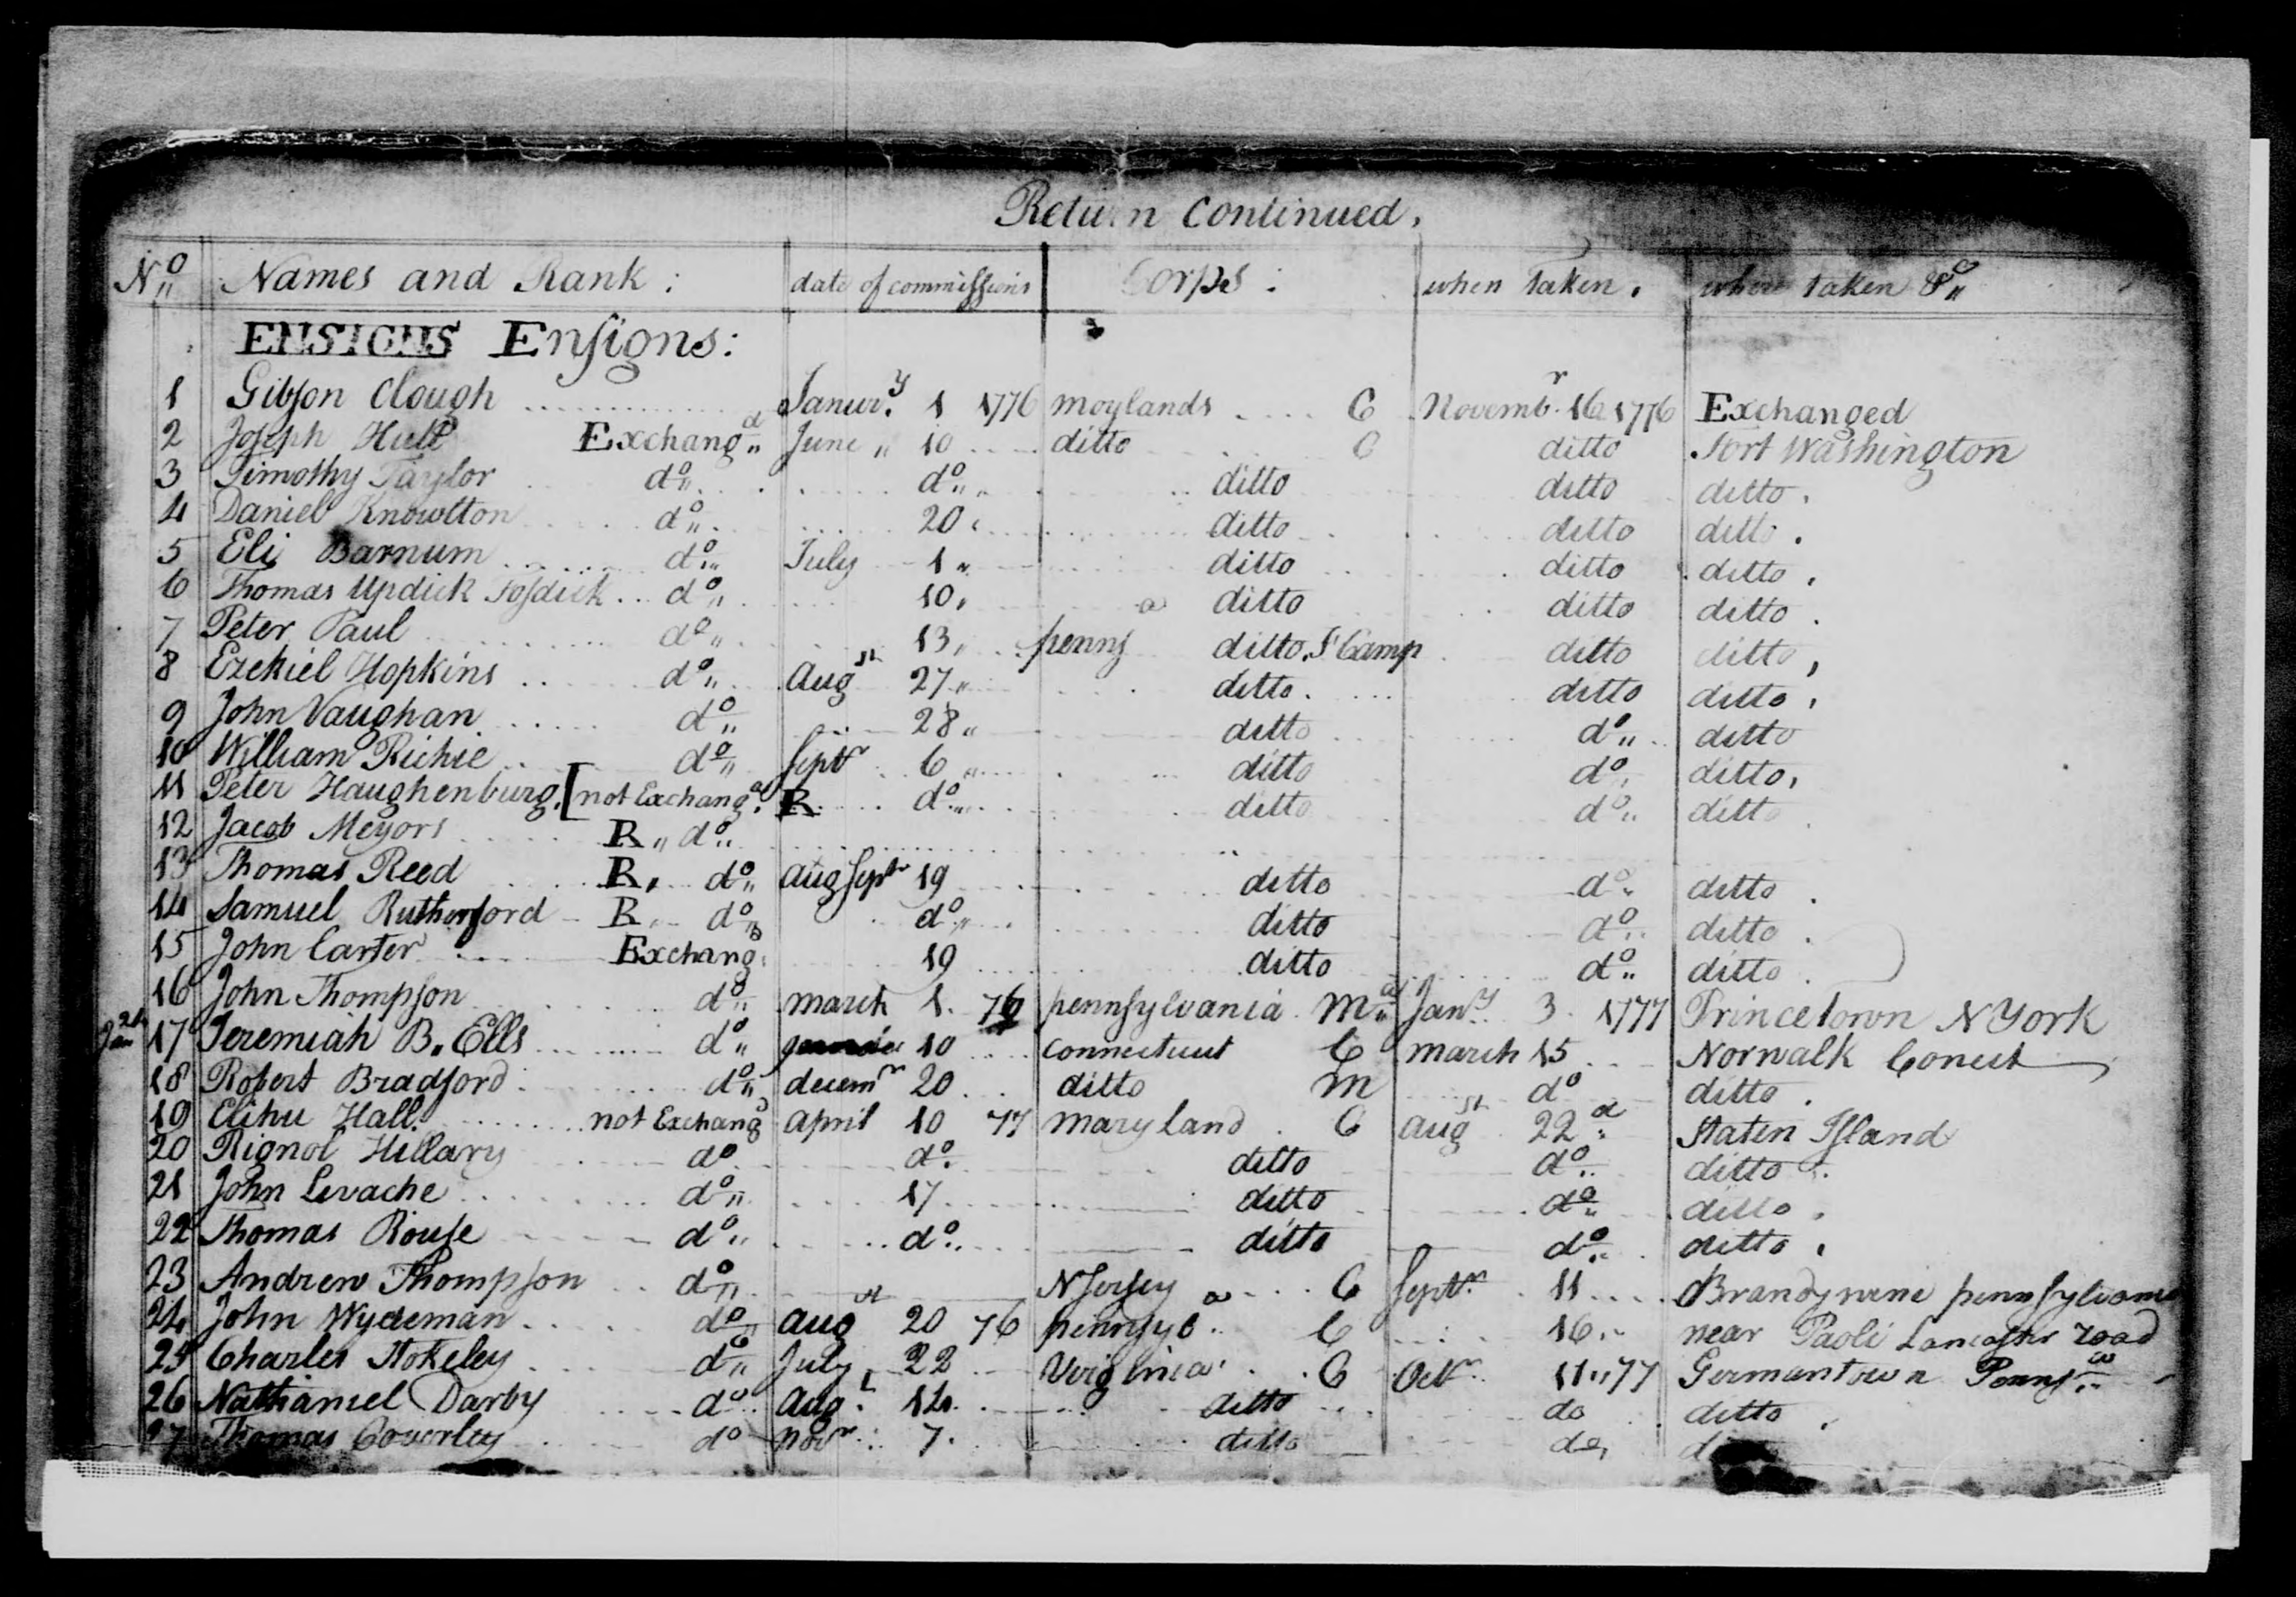Return continued. 
[column headings] No. Names and Rank. date of commissions. Corps. when taken. where taken &ec. 
ENSIGNS Ensigns: 
1 | Gibson Clough | Janury. 1 1776 | Marylands C | Novembr. 16 1776 | Exchanged. 
2 | Joseph Hull Exchangd | June 10.. | ditto | ditto | Fort Washington. 
3 | Timothy Taylor do" | do" | ditto | ditto | ditto.
4 | Daniel Knowlton do" | .. 20 | ditto | ditto | ditto. 
5 | Eli Barnum do" | July 1 | ditto | ditto | ditto.
6 | Thomas Updick Fosdick do" | ... 10 | ditto | ditto | ditto.
7 | Peter Paul do" | ... 13 | Pennsa. ditto F Camp | ditto | ditto. 
8 | Ezekiel Hopkins do" | Augt 27 | ditto | ditto | ditto. 
9 | John Vaughan do" | ...28 | ditto | do" | ditto.
10 | William Richie do" | Septr 6 | ditto | do" | ditto.
11 | Peter Haughenburg. (not Exchangd. R | ...do" | ditto | do" | ditto.
12 | Jacob Meyors R" do" |... | ... | ... | ...
13 | Thomas Reed R" do" | Aug Septr 19 | ditto | do" | ditto.
14 | Samuel Ruthorford R" do" | do" | ditto | do" | ditto.
15 | John Carter Exchng. | ...19 | ditto | do" | ditto.
16 | John Thompson do" | March 1 76 | Pennsylvania Ma. | Jany 3 1777 | Princetown N York.
Jan 24 | 17 | Jeremiah B Ells do" | J [struck thru] 10 | Connecticut C | March 15 | Norwalk Conect.
18 | Robert Bradford do" | decemr 20 | ditto M |  do" | ditto.
19 | Elihu Hall not Exchangd | April 10 77 | Maryland C | Augst. 22d | Staten Island. 
20 | Rignol Hillary do" | do" | ditto | do" | ditto.
21 | John Levache do" | ..17 | ditto | do" | ditto.
22 | Thomas Rouse do" | do" | ditto | do" | ditto.
23 | Andrew Thompson do" | ... | N Jersey C | Septr. 11 | Brandywine Pennsylvania. 
24 | John Wydeman do" | Augst 20 76 | Pennsyla. C | ... 16 | near Paoli Lancaster road.
25 | Charles Stokeley do" | July 22 | Virginia  C | Octr 11 77 | Germantown Pennsya.
26 | Nathaniel Darby do" | Augst. 14 | ditto | do" | ditto.
27 | Thomas Coverley do" | Novr 7 | ditto | do" | ditto.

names: Jeremiah B Ells, Jacob Meyors, John Vaughan, Joseph Hull, John Thompson, Thomas Rouse, Elihu Hall, Thomas Coverley, Andrew Thompson, Eli Barnum, Ezekiel Hopkins, Samuel Rutherford, Peter Paul, Peter Haughenburg, Charles Stokeley, Thomas Reed, John Carter, Thomas Updick Fosdick, Robert Bradford, Daniel Knowlton, Nathaniel Darby, William Richie, John Wydeman, Rignol Hidary, Gibson Clough, Timothy Taylor, John Levache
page: 29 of 57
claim: survivor's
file: S. 2161, Hezekiah Davies, Penn